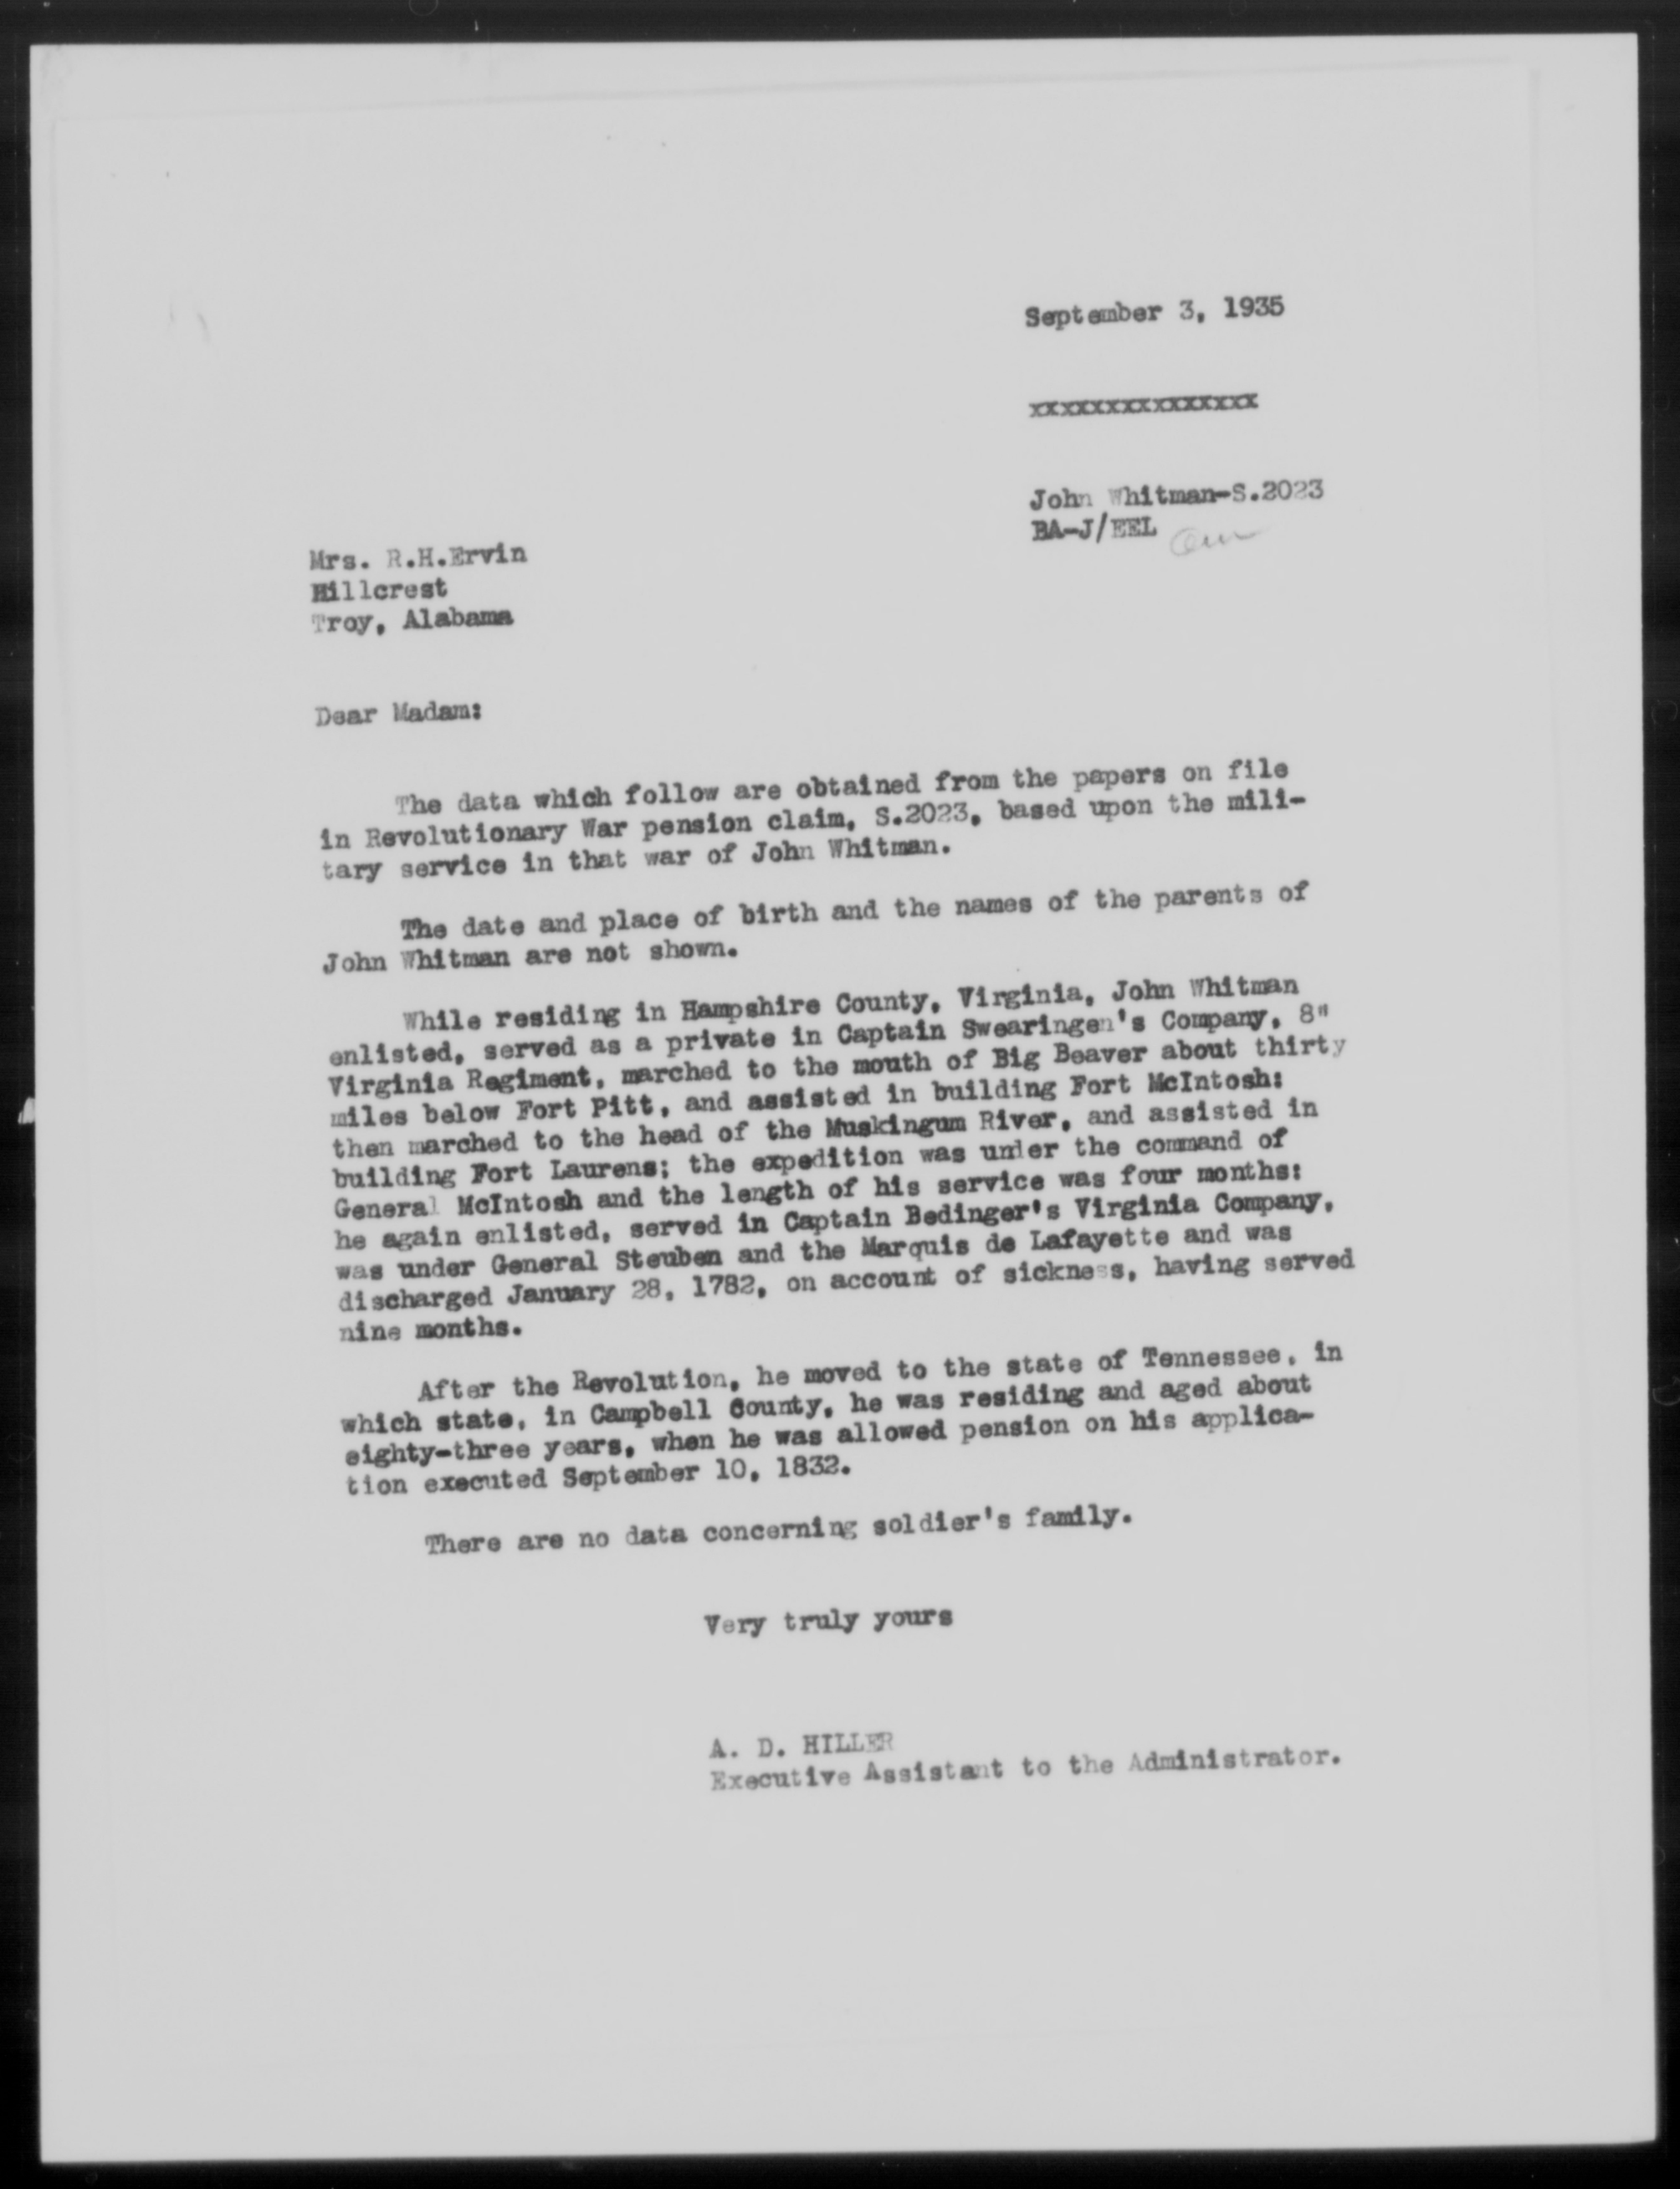September 3, 1935
xxxxxxxxxx

John Whitman-S.2023
BA-J/EEL 

Mrs. R. H. Ervin
Hillcrest
Troy, Alabama

Dear Madam:

The data which follow are obtained from the papers on file
in Revolutionary War pension claim, S.2033, based upon the military
service in that war of John Whitman.

The date and place of birth and the names of the parents of
John Whitman are not shown.

While residing in Hampshire County, Virginia, John Whitman
enlisted, served as a private in Captain Swearingen's Company, 8th
Virginia Regiment, marched to the mouth of Big Beaver about thirty
miles below Fort Pitt, and assisted in building Fort McIntosh
then marched to the head of the Muskingum River, and assisted in
building Fort Laurens; the expedition was under the command of
General McIntosh and the length of his service was four months:
he again enlisted, served in Captain Bedinger's Virginia Company.
was under General Steuben and the Marquis de Lafayette and was
discharged January 28, 1782, on account of sickness, having served
nine months.

After the Revolution, he moved to the state of Tennessee, in
which state, in Campbell County, he was residing and aged about
eighty-three years, when he was allowed pension on his application
executed September 10, 1832.

There are no data concerning soldier's family.
Very truly yours

A. D. HILLER
Executive Assistant to the Administrator.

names: A D Hiller, Mc Intosh, R H Ervin, Steuben, John Whitman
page: 8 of 22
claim: survivor's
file: S 2023, John Whitman, Va.